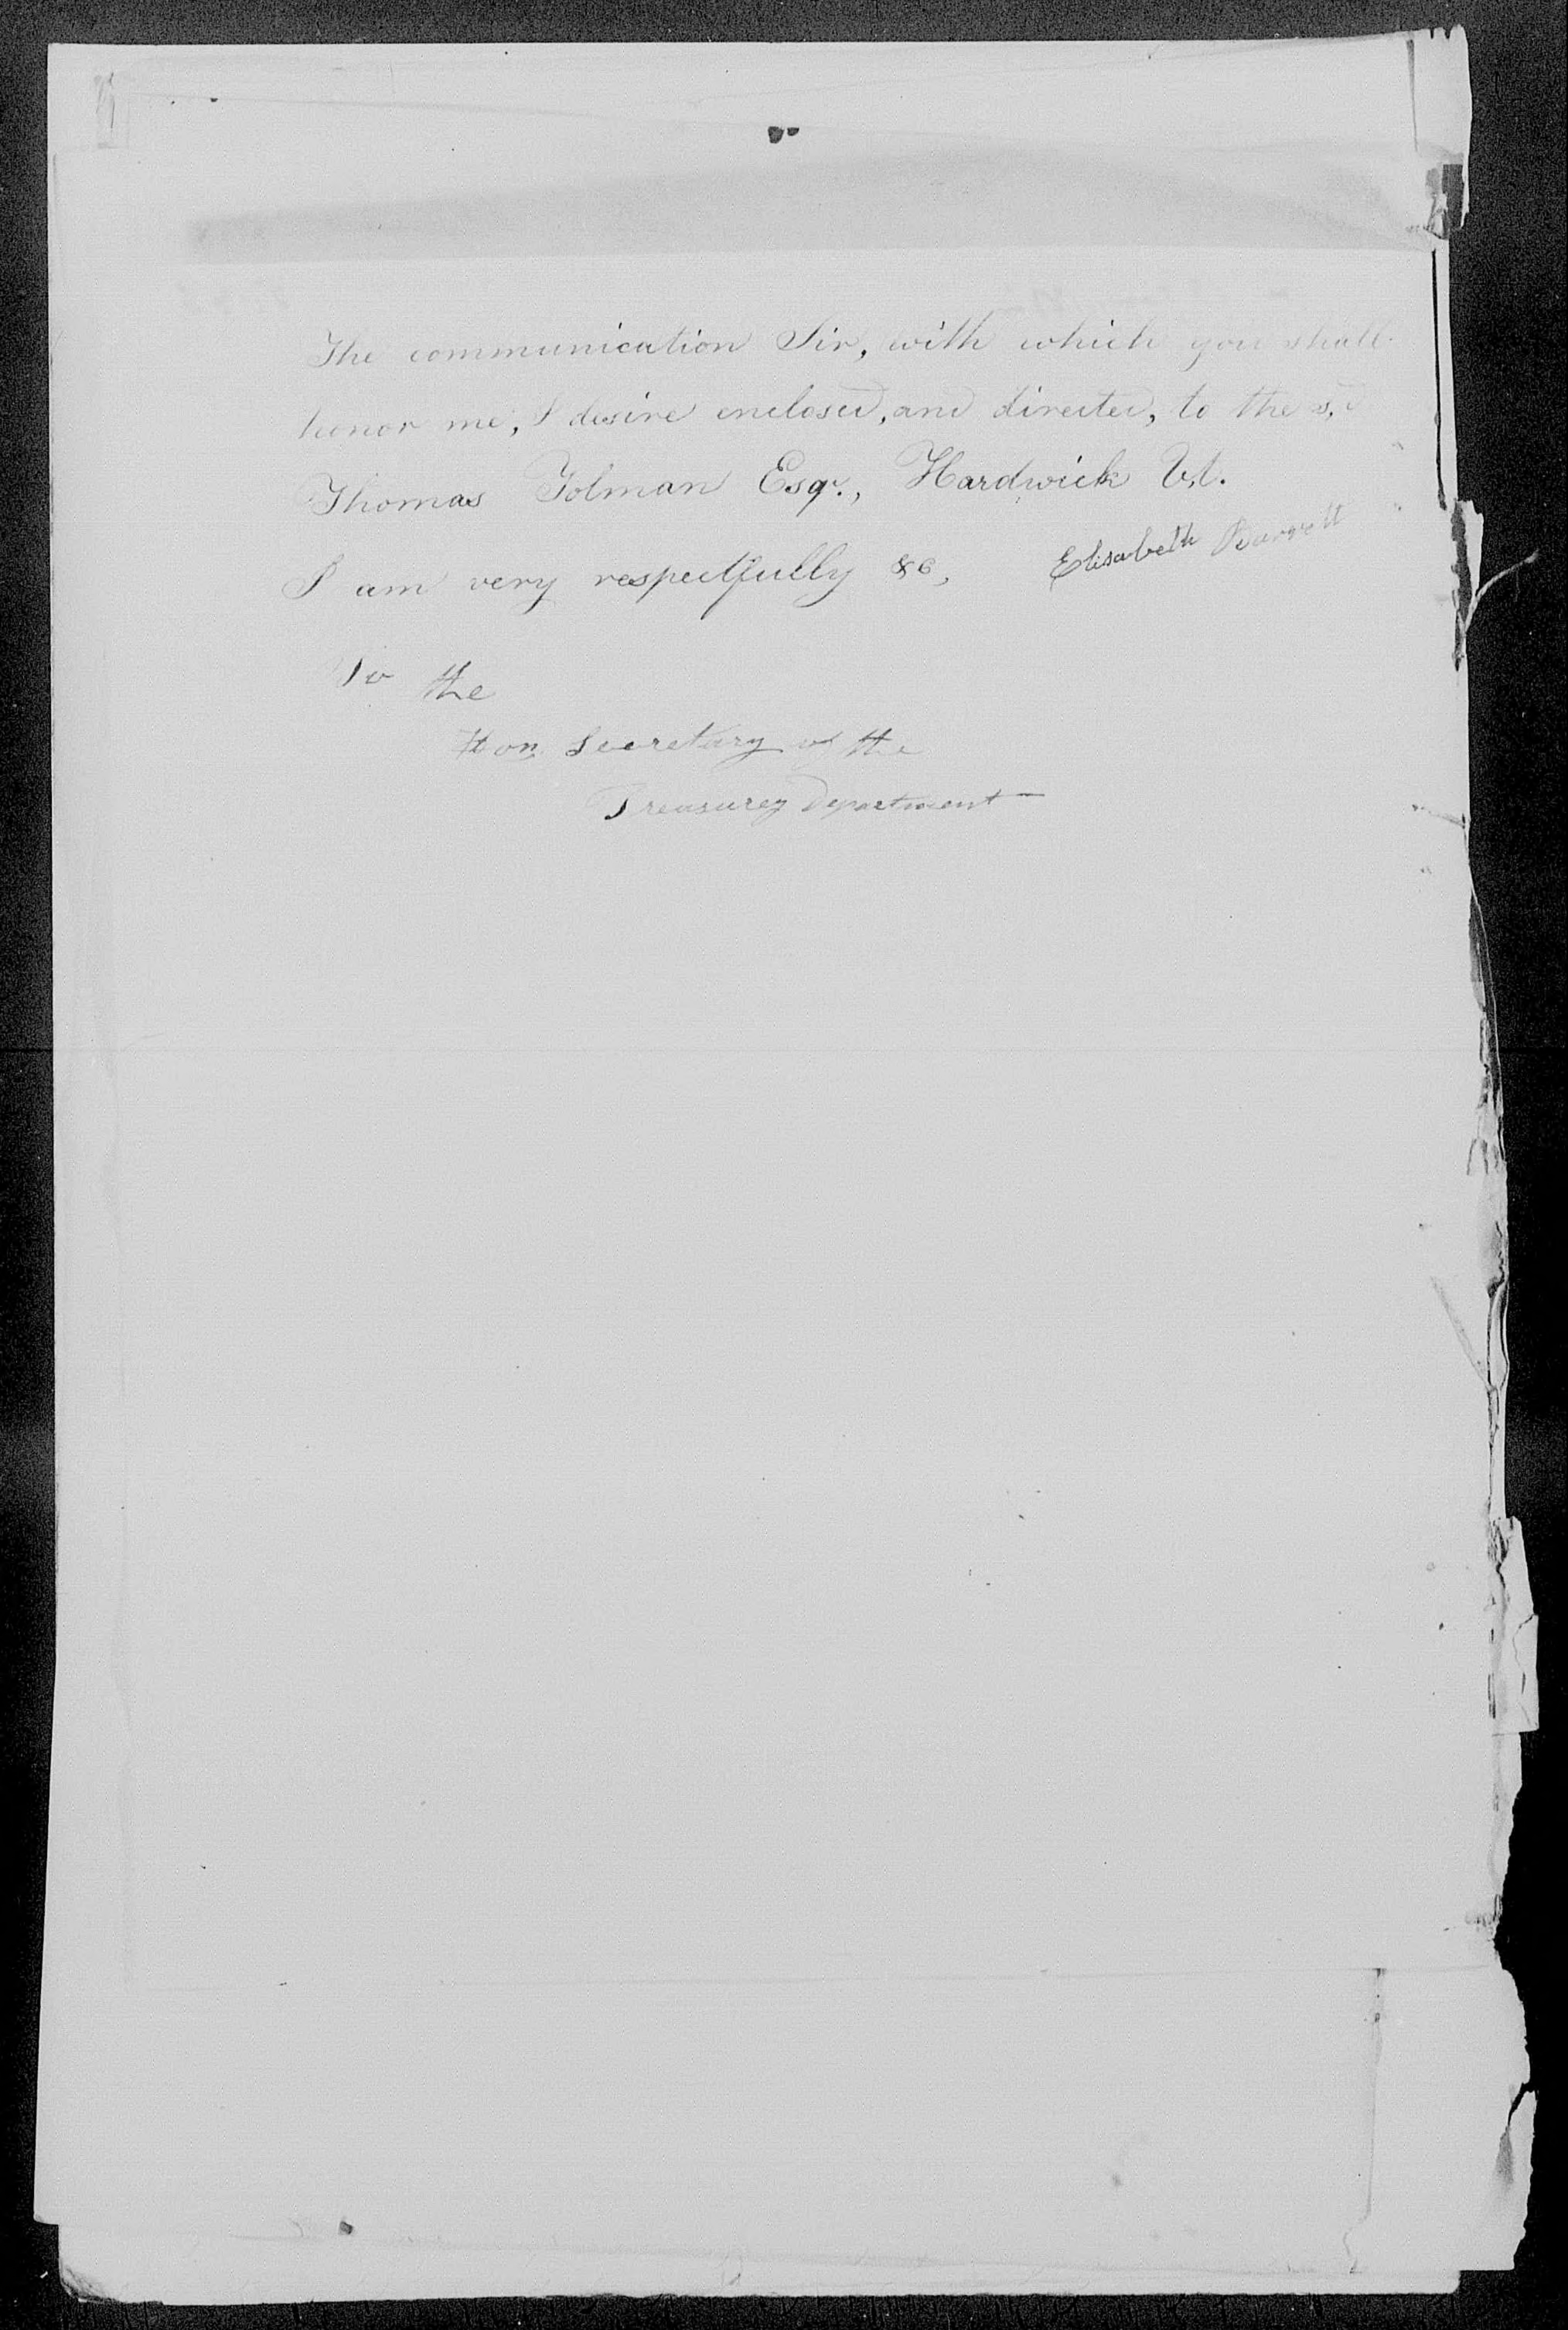The communication, Sir, with which you shall honor me, I desire enclosed, and directed, to the Thomas Tolman Esq., Hardwick VT. 
I am very respectfully & c, Elizabeth Barrett

To the Hon. Secretary of the 
Treasury Department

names: Elisabeth Barrett, Thomas Tolman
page: 52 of 83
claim: widow's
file: W. 10,384, Oliver Barrett, Continental (Vt.) N.Y.